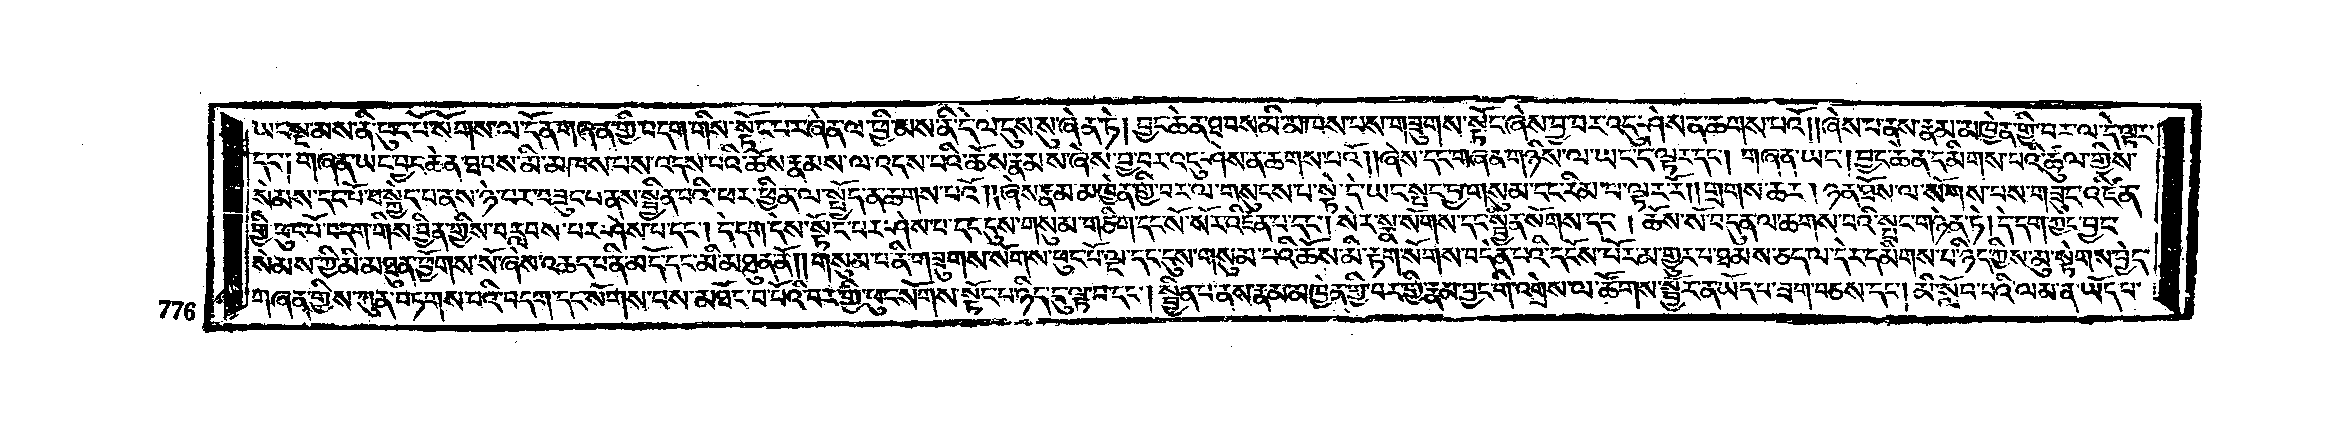ཡང་སྔ་མས་ནི་ཕུང་པོ་སོགས་ལ་དོན་གཞན་གྱི་བདག་གིས་སྟོང་པར་ཞེན་ལ་ཕྱི་མས་ནི་དེ་ལ་དུས་སུ་ཞེན་ཏེ། བྱང་ཆེན་ཐབས་མི་མཁས་པས་གཟུགས་སྟོང་ཞེས་བྱ་བར་འདུ་ཤེས་ན་ཆགས་པའོ། །ཞེས་པ་ནས་རྣམ་མཁྱེན་གྱི་བར་ལ་དེ་ལྟར་
དང༑ གཞན་ཡང་བྱང་ཆེན་ཐབས་མི་མཁས་པས་འདས་པའི་ཆོས་རྣམས་ལ་འདས་པའི་ཆོས་རྣམས་ཞེས་བྱ་བར་འདུ་ཤེས་ན་ཆགས་པའོ། །ཞེས་དང་གཞན་གཉིས་ལ་ཡང་དེ་ལྟར་དང་། གཞན་ཡང་། བྱང་ཆེན་དམིགས་པའི་ཚུལ་གྱིས་
སེམས་དང་པོ་བསྐྱེད་པ་ནས་ཉེ་བར་བཟུང་བ་ནས་སྦྱིན་པའི་ཕར་ཕྱིན་ལ་སྤྱོད་ན་ཆགས་པའོ། །ཞེས་རྣམ་མཁྱེན་གྱི་བར་ལ་གསུངས་པ་སྟེ་དེ་ཡང་སྤང་བྱ་གསུམ་དང་རིམ་པ་ལྟར་རོ། །གྲགས་ཆར། ཉན་ཐོས་ལ་སོགས་པས་གཟུང་འཛིན་
གྱི་ཕུང་པོ་བདག་གིས་བྱིན་གྱིས་བརླབས་པར་ཤེས་པ་དང་། དེ་དག་དེས་སྟོང་པར་ཤེས་པ་དང་དུས་གསུམ་གཅིག་དང་སོ་སོར་འཛིན་པ་དང་། སེར་སྣ་སོགས་དང་སྦྱིན་སོགས་དང་། ཆོས་སོ་བདུན་ལ་ཆགས་པའི་སྤང་གཉེན་ཏེ། དེ་དག་ཀྱང་བྱང་
སེམས་ཀྱི་མི་མཐུན་ཕྱོགས་སོ་ཞེས་འཆད་པ་ནི་མདོ་དང་མི་མཐུན་ནོ། །གསུམ་པ་ནི་གཟུགས་སོགས་ཕུང་པོ་ལྔ་དང་དུས་གསུམ་པའི་ཆོས་མི་རྟག་སོགས་བདེན་པའི་དངོས་པོར་མ་གྱུར་པ་ཐམས་ཅད་ལ་དེར་དམིགས་པ་ཉིད་ཀྱིས་མུ་སྟེགས་བྱེད་
གཞན་གྱིས་ཀུན་བཏགས་པའི་བདག་དང་སོགས་པས་མཐོང་བ་པོའི་བར་གྱི་ཕུང་སོགས་སྟོང་པ་ཉིད་དུ་ལྟ་བ་དང་། སྦྱིན་པ་ནས་རྣམ་མཁྱེན་གྱི་བར་གྱི་རྣམ་བྱང་གི་འགྲེས་ལ་ཚོགས་སྦྱོར་ན་ཡོད་པ་ཟག་བཅས་དང་། མི་སློབ་པའི་ལམ་ན་ཡོད་པ་